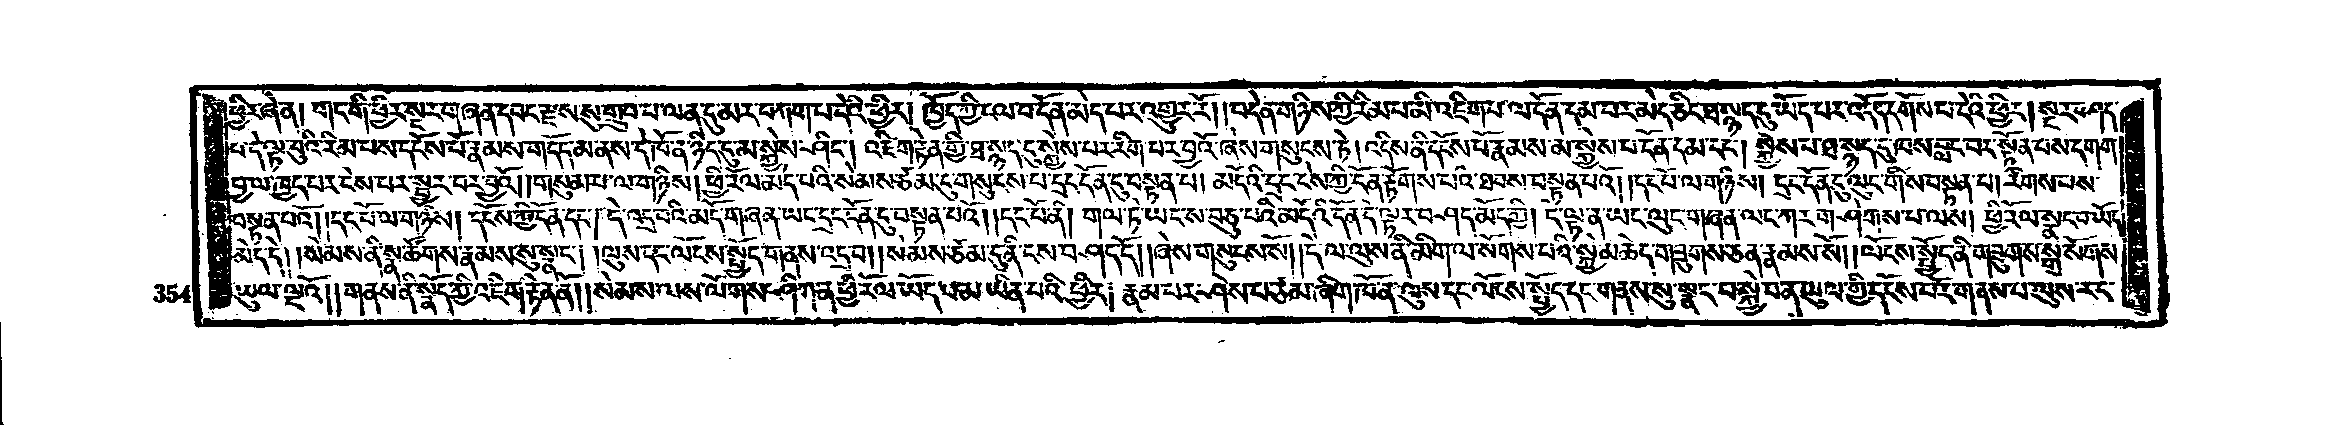ཕྱིར་ཞེ་ན། གང་གི་ཕྱིར་སྔར་གཞན་དབང་རྫས་སུ་གྲུབ་པ་ལན་དུ་མར་བཀག་པ་དེའི་ཕྱིར། ཁྱོད་ཀྱི་ངལ་བ་དོན་མེད་པར་འགྱུར་རོ། །བདེན་གཉིས་ཀྱི་རིམ་པ་མི་འཇིག་པ་ལ་དོན་དམ་པར་མེད་ཅིང་ཐ་སྙད་དུ་ཡོད་པར་འདོད་དགོས་པ་དེའི་ཕྱིར། སྔར་བཤད་
པ་དེ་ལྟ་བུའི་རིམ་པས་དངོས་པོ་རྣམས་གདོད་མ་ནས་དེ་ཁོ་ན་ཉིད་དུ་མ་སྐྱེས་ཤིང་། འཇིག་རྟེན་གྱི་ཐ་སྙད་དུ་སྐྱེས་བར་རིག་པར་བྱའོ་ཞེས་གསུངས་ཏེ། འདིས་ནི་དངོས་པོ་རྣམས་མ་སྐྱེས་པ་དོན་དམ་དང་། སྐྱེས་པ་ཐ་སྙད་དུ་ཁས་བླང་བར་སྟོན་པས་དགག་
བྱ་ལ་ཁྱད་པར་ངེས་པར་སྦྱར་བར་བྱའོ། །གསུམ་པ་ལ་གཉིས། ཕྱི་རོལ་མེད་པའི་སེམས་ཙམ་དུ་གསུངས་པ་དྲང་དོན་དུ་བསྟན་པ། མདོའི་དྲང་ངེས་ཀྱི་དོན་རྟོགས་པའི་ཐབས་བསྟན་པའོ། །དང་པོ་ལ་གཉིས། དྲང་དོན་དུ་ལུང་གིས་བསྟན་པ། རིགས་པས་
བསྟན་པའོ། །དང་པོ་ལ་གཉིས། དངོས་ཀྱི་དོན་དང་། དེ་འདྲ་བའི་མདོ་གཞན་ཡང་དྲང་དོན་དུ་བསྟན་པའོ། །དང་པོ་ནི། གལ་ཏེ་ཡང་ས་བཅུ་པའི་མདོའི་དོན་དེ་ལྟར་བཤད་མོད་ཀྱི། དེ་ལྟ་ན་ཡང་ལུང་གཞན་ལང་གར་གཤེགས་པ་ལས། ཕྱི་རོལ་སྣང་བ་ཡོད་
མེད་དེ། །སེམས་ནི་སྣ་ཚོགས་རྣམས་སུ་སྣང་། །ལུས་དང་ལོངས་སྤྱོད་གནས་འདྲ་བ། །སེམས་ཙམ་དུ་ནི་ངས་བཤད་དོ། །ཞེས་གསུངས་སོ། །དེ་ལ་ལུས་ནི་མིག་ལ་སོགས་པའི་སྐྱེ་མཆེད་གཟུགས་ཅན་རྣམས་སོ། །ལོངས་སྤྱོད་ནི་གཟུགས་སྒྲ་སོགས་
ཡུལ་ལྔའོ། །གནས་ནི་སྣོད་ཀྱི་འཇིག་རྟེན་ནོ། །སེམས་ལས་ལོགས་ཤིག་ན་ཕྱི་རོལ་ཡོད་པ་མ་ཡིན་པའི་ཕྱིར། རྣམ་པར་ཤེས་པ་ཙམ་ཞིག་ཁོ་ན་ལུས་དང་ལོངས་སྤྱོད་དང་གནས་སུ་སྣང་བ་སྐྱེ་བ་ན་ཡུལ་གྱི་དངོས་པོར་གནས་པ་ལུས་རང་